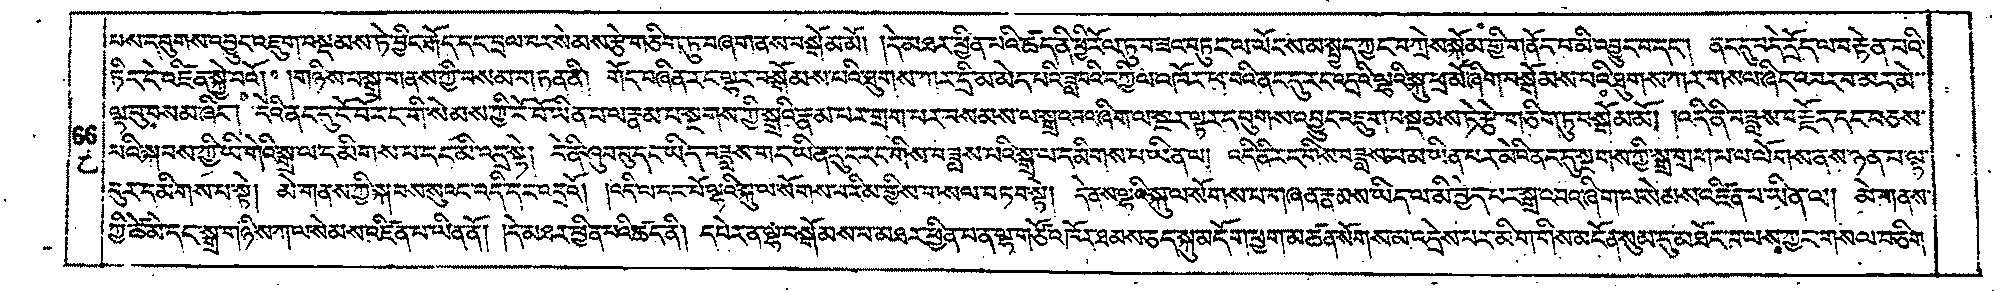པས་དབུགས་འབྱུང་འཇུག་བསྡམས་ཏེ་བྱིང་རྒོད་དང་བྲལ་བར་སེམས་རྩེ་གཅིག་ཏུ་བཞག་ནས་བསྒོམ་མོ། །དེ་མཐར་ཕྱིན་པའི་ཚད་ནི་ཕྱི་རོལ་དུ་བཟའ་བཏུང་ལ་ལོངས་མ་སྤྱད་ཀྱང་བཀྲེས་སྐོམ་གྱི་གནོང་པ་མི་འབྱུང་བ་དང་། ནང་དུ་བདེ་དྲོད་ལ་བརྟེན་པའི་
ཏིང་ངེ་འཛིན་སྐྱེ་བའོ། །གཉིས་པ་སྒྲ་གནས་ཀྱི་བསམ་གཏན་ནི། གོང་བཞིན་རང་ལྷར་བསྒོམས་པའི་ཐུགས་ཀར་དྲི་མ་མེད་པའི་ཟླ་བའི་དཀྱིལ་འཁོར་ཕ་བའི་ནང་དུ་རང་འདྲའི་ལྷའི་སྐུ་ཕྲ་མོ་ཞིག་བསྒོམས་པའི་ཐུགས་ཀར་གསལ་ཞིང་འབར་བ་མར་མེ་་་
ལྟ་བུ་བསམ་ཞིང་། དེའི་ནང་དུ་ངོ་བོ་རང་གི་སེམས་ཀྱི་ངོ་བོ་ཡིན་པ་ལ་རྣམ་པ་སྔགས་ཀྱི་སྒྲའི་རྣམ་པར་གྲག་པར་བསམས་ལ་སྒྲ་འབའ་ཞིག་ལ་སྔར་ལྟར་དབུགས་འབྱུང་འཇུག་བསྡམས་ཏེ་རྩེ་གཅིག་ཏུ་བསྒོམ་མོ། །འདི་ནི་བཟླས་བརྗོད་དང་བཅས་
པའི་སྐབས་ཀྱི་ཡི་གེའི་སྒྲ་ལ་དམིགས་པ་དང་མི་འདྲ་སྟེ། དེ་ནི་ཤུབ་བུ་དང་ཡིད་བཟླས་གང་ཡིན་རུང་རང་གིས་བཟླས་པའི་སྒྲ་ལ་དམིགས་པ་ཡིན་ལ། འདི་ནི་རང་གིས་བཟླས་པ་མ་ཡིན་པར་མེའི་ནང་དུ་སྔགས་ཀྱི་སྒྲ་གྲག་པ་ལ་ལོགས་ནས་ཉན་པ་ལྟ་
བུར་དམིགས་པ་སྟེ། མེ་གནས་ཀྱི་སྐབས་སུའང་འདི་དང་འདྲའོ། །འདི་ལ་དང་པོ་ལྷའི་སྐུ་ལ་སོགས་པ་རིམ་གྱིས་གསལ་བཏབ་སྟེ། དེ་ནས་ལྷའི་སྐུ་ལ་སོགས་པ་གཞན་རྣམས་ཡིད་ལ་མི་བྱེད་པར་སྒྲ་འབའ་ཞིག་ལ་སེམས་འཛིན་པ་ཡིན་ལ། མེ་གནས་
ཀྱི་ཚེ་མེ་དང་སྒྲ་གཉིས་ཀ་ལ་སེམས་འཛིན་པ་ཡིན་ནོ། །དེ་མཐར་ཕྱིན་པའི་ཚད་ནི། དཔེར་ན་ལྷ་བསྒོམས་པ་མཐར་ཕྱིན་པ་ན་ལྷ་གཙོ་འཁོར་ཐམས་ཅད་སྐུ་མདོག་ཕྱག་མཚན་སོགས་མ་འདྲེས་པར་མིག་གིས་མངོན་སུམ་དུ་མཐོང་བ་ལས་ཀྱང་གསལ་བ་ཅིག་